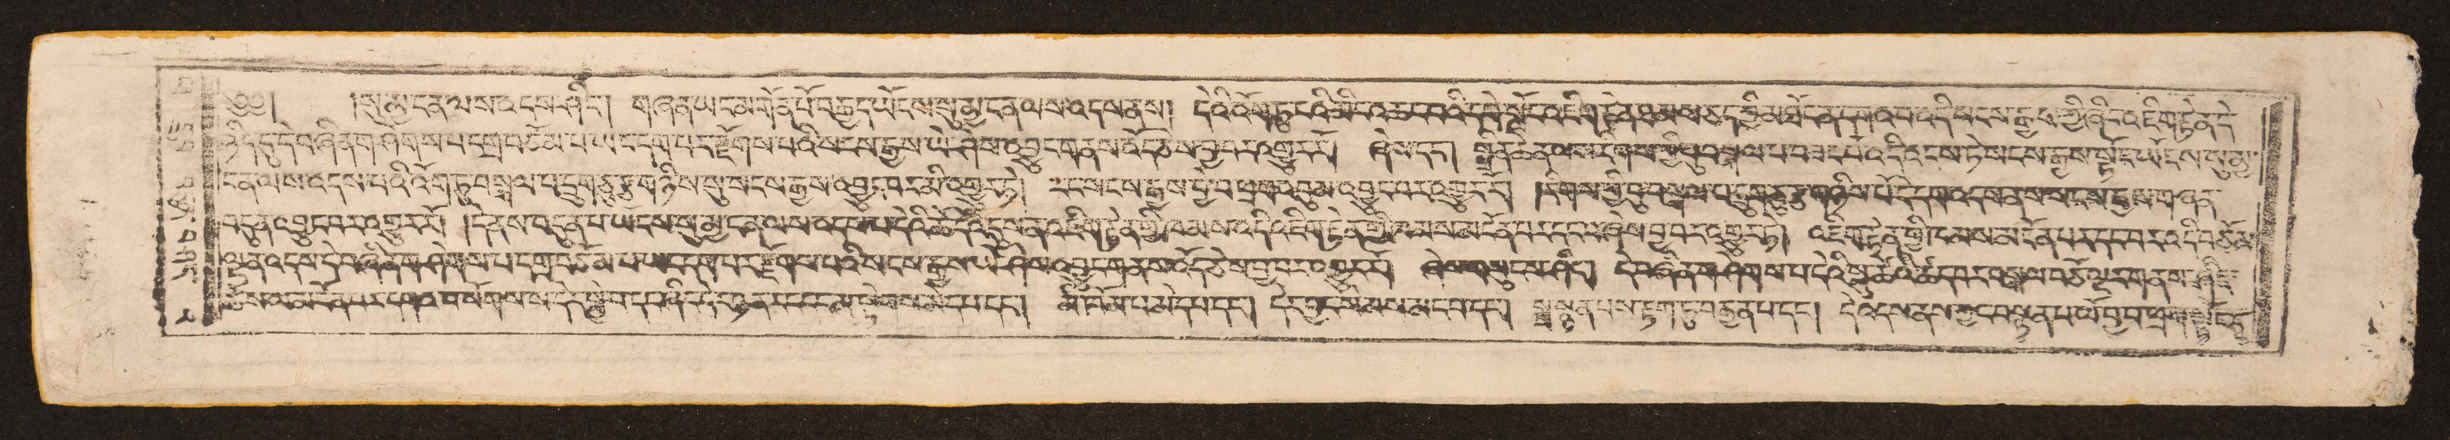༄༅། །སུ་མྱ་ངན་ལས་འདས་ཤིང་། གཞན་ཡང་མགོན་པོ་བརྒྱད་ཡོངས་སུ་མྱ་ངན་ལས་འདས་ནས། དེའི་འོག་ཏུ་ངའི་མིང་འཆང་བའི་དགེ་སྤོང་འཇིག་རྟེན་ཐམས་ཅད་ཀྱི་མཐོང་ན་དགའ་བ་འདི་སངས་རྒྱས་ཀྱི་ཞིང་འཇིག་རྟེན་དེ་
ཉིད་དུ་དེ་བཞིན་གཤེགས་པ་དགྲ་བཅོམ་པ་ཡང་དག་པར་རྫོགས་པའི་སངས་རྒྱས་ཡེ་ཤེས་འབྱུང་གནས་འོད་ཅེས་བྱ་བར་འགྱུར་རོ། ཞེས་དང་། སྤྲིན་ཆེན་ལས་རིགས་ཀྱི་བུ་བསྐལ་བ་བཟང་པོ་འདི་འདས་ཏེ་སངས་རྒྱས་སྟོང་ཡོངས་སུ་མྱ་
ངན་ལས་འདས་བའི་འོག་ཏུ་བསྐལ་པ་དྲུག་ཅུ་རྩ་གཉིས་སུ་སངས་རྒྱས་འབྱུང་བར་མི་འགྱུར་ཏེ། རང་སངས་རྒྱས་བྱེ་བ་ཕྲག་འབུམ་འབྱུང་བར་འགྱུར་རོ། །རིགས་ཀྱི་བུ་བསྐལ་བ་དྲུག་ཅུ་རྩ་གཉིས་པོ་དེ་དག་འདས་ནས་སངས་རྒྱས་གཞན་
བདུན་འབྱུང་བར་འགྱུར་རོ། །དེ་ནས་བདུན་པ་ཡོངས་སུ་མྱ་ངན་ལས་འདས་པ་དེའི་ཚེ་དེའི་དུས་ན་འཇིག་རྟེན་གྱི་ཁམས་འདི་འཇིག་རྟེན་གྱི་ཁམས་མངོན་པར་དང་བཞེས་བྱ་བར་འགྱུར་ཏེ། འཇིག་རྟེན་གྱི་ཁམས་མངོན་པར་དང་པར་འདི་བཅོམ་
ལྡན་འདས་དེ་བཞིན་གཤེགས་པ་དགྲ་བཅོམ་པ་ཡང་དག་པར་རྫོགས་པའི་སངས་རྒྱས་ཡེ་ཤེས་འབྱུང་གནས་འོད་ཅས་བྱ་བར་འགྱུར་རོ། ཞེས་གསུངས་ཤིང་། དེ་བཞིན་གཤེགས་པ་དེའི་སྐུ་ཚེའི་ཚད་བར་བསྐལ་བཅོ་ལྔར་གནས་ཤིང་
ཆོས་ལ་མངོན་པར་དགའ་བ་སོགས་ས་དེར་སྐྱེ་བ་དང་ཞིང་དེར་ཉན་རང་དང་མུ་སྟེགས་མེད་པ་དང་། མི་ཁོམ་པ་མེད་པ་དང་། དེར་བྱང་སེམས་མང་བ་དང་། སྒྲ་སྙན་པས་རྟག་ཏུ་བརྒྱན་པ་དང་། དེ་འདས་ནས་ཀྱང་བསྟན་བ་ལོ་བྱ་བ་ཕྲག་སྟོང་དུ་